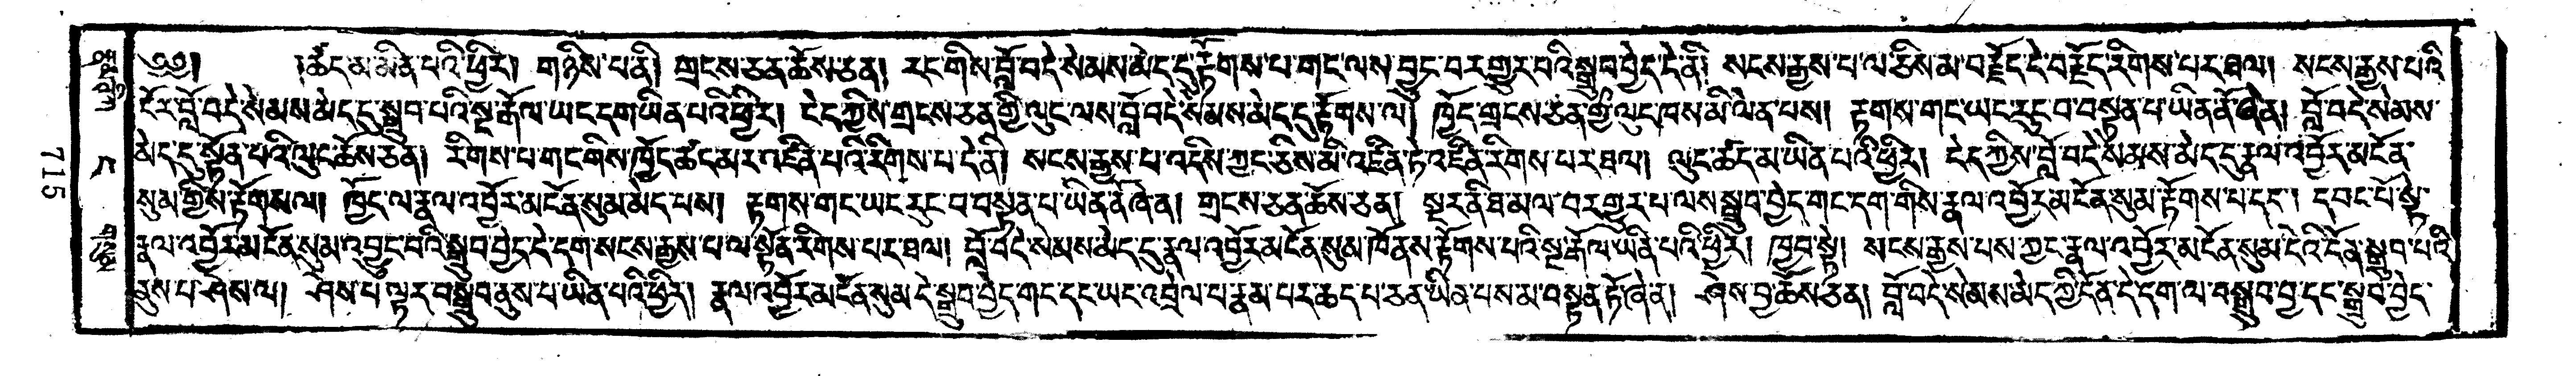༄༅། །ཚད་མ་མིན་པའི་ཕྱིར། གཉིས་པ་ནི། གྲངས་ཅན་ཆོས་ཅན། རང་གིས་བློ་བདེ་སེམས་མེད་དུ་རྟོགས་པ་གང་ལས་བྱུང་བར་གྱུར་པའི་སྒྲུབ་བྱེད་དེ་ནི། སངས་རྒྱས་པ་ལ་ཅིས་མ་བརྗོད་དེ་བརྗོད་རིགས་པར་ཐལ། སངས་རྒྱས་པའི་
ངོར་བློ་བདེ་སེམས་མེད་དུ་སྒྲུབ་པའི་སྔ་རྒོལ་ཡང་དག་ཡིན་པའི་ཕྱིར། ངེད་ཀྱིས་གྲངས་ཅན་གྱི་ལུང་ལས་བློ་བདེ་སེམས་མེད་དུ་རྟོགས་ལ། ཁྱོད་གྲངས་ཅན་གྱི་ལུང་ཁས་མི་ལེན་པས། རྟགས་གང་ཡང་རུང་བ་བསྟན་པ་ཡིན་ནོ་ཞེ་ན། བློ་བདེ་སེམས་
མེད་དུ་སྟོན་པའི་ལུང་ཆོས་ཅན། རིགས་པ་གང་གིས་ཁྱོད་ཚད་མར་འཛིན་པའི་རིགས་པ་དེ་ནི། སངས་རྒྱས་པ་འདིས་ཀྱང་ཅིས་མི་འཛིན་ཏེ་འཛིན་རིགས་པར་ཐལ། ལུང་ཚད་མ་ཡིན་པའི་ཕྱིར། ངེད་ཀྱིས་བློ་བདེ་སེམས་མེད་དུ་རྣལ་འབྱོར་མངོན་
སུམ་གྱིས་རྟོགས་ལ། ཁྱོད་ལ་རྣལ་འབྱོར་མངོན་སུམ་མེད་པས། རྟགས་གང་ཡང་རུང་བ་བསྟན་པ་ཡིན་ནོ་ཞེ་ན། གྲངས་ཅན་ཆོས་ཅན། སྔར་ནི་ཐ་མལ་བར་གྱུར་པ་ལས་སྒྲུབ་བྱེད་གང་དག་གིས་རྣལ་འབྱོར་མངོན་སུམ་རྟོགས་པ་དང་། དབང་པོ་སྟེ་
རྣལ་འབྱོར་མངོན་སུམ་འབྱུང་བའི་སྒྲུབ་བྱེད་དེ་དག་སངས་རྒྱས་པ་ལ་སྟོན་རིགས་པར་ཐལ། བློ་བདེ་སེམས་མེད་དུ་རྣལ་འབྱོར་མངོན་སུམ་ཁོ་ནས་རྟོགས་པའི་སྔ་རྒོལ་ཡིན་པའི་ཕྱིར། ཁྱབ་སྟེ། སངས་རྒྱས་པས་ཀྱང་རྣལ་འབྱོར་མངོན་སུམ་དེའི་དོན་སྒྲུབ་པའི་
ནུས་པ་ཤེས་ལ། ཤེས་པ་ལྟར་བསྒྲུབ་ནུས་པ་ཡིན་པའི་ཕྱིར། རྣལ་འབྱོར་མངོན་སུམ་དེ་སྒྲུབ་བྱེད་གང་དང་ཡང་འབྲེལ་པ་རྣམ་པར་ཆད་པ་ཅན་ཡིན་པས་མ་བསྟན་ཏོ་ཞེ་ན། ཤེས་བྱ་ཆོས་ཅན། བློ་བདེ་སེམས་མེད་ཀྱི་དོན་དེ་དག་ལ་བསྒྲུབ་བྱ་དང་སྒྲུབ་བྱེད་